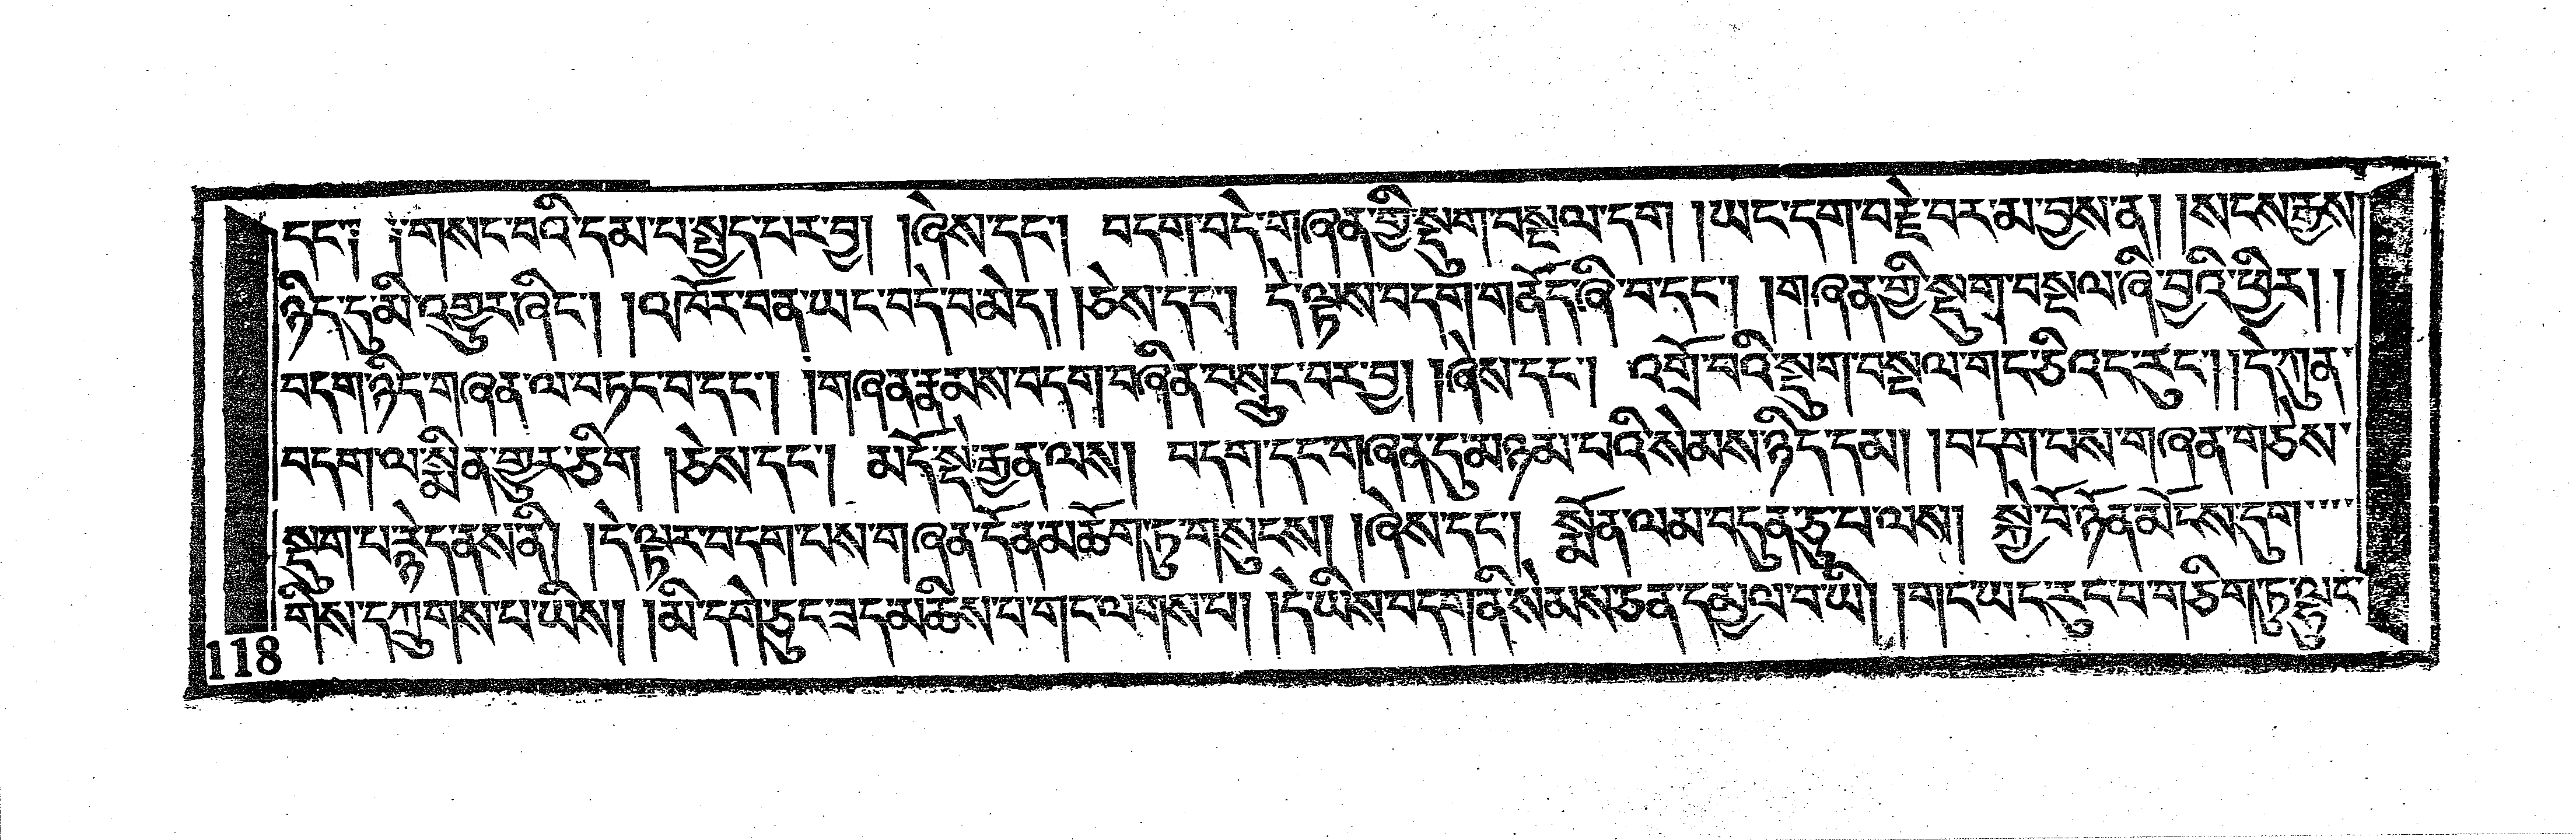དང༑ ༑གསང་བའི་དམ་པ་སྤྱད་པར་བྱ། །ཞེས་དང་། བདག་བདེ་གཞན་གྱི་སྡུག་བསྔལ་དག །ཡང་དག་བརྗེ་བར་མ་བྱས་ན། །སངས་རྒྱས་
ཉིད་དུ་མི་འགྱུར་ཞིང་། །འཁོར་བ་ན་ཡང་བདེ་བ་མེད། །ཅེས་དང་། དེ་ལྟས་བདག་གནོད་ཞི་བ་དང་། །གཞན་གྱི་སྡུག་བསྔལ་ཞི་བྱའི་ཕྱིར། །
བདག་ཉིད་གཞན་ལ་བཏང་བ་དང་། །གཞན་རྣམས་བདག་བཞིན་བསྲུང་བར་བྱ། །ཞེས་དང་། འགྲོ་བའི་སྡུག་བསྔལ་གང་ཅིའང་རུང་། །དེ་ཀུན་
བདག་ལ་སྨིན་གྱུར་ཅིག །ཅེས་དང་། མདོ་སྡེ་རྒྱན་ལས། བདག་དང་གཞན་དུ་མཉམ་པའི་སེམས་ཉིད་དམ། །བདག་པས་གཞན་གཅེས་
སྡུག་པ་རྙེད་ནས་ནི། །དེ་ལྟར་བདག་པས་གཞན་དོན་མཆོག་ཏུ་གསུངས། །ཞེས་དང་། སྨོན་ལམ་བདུན་ཅུ་པ་ལས། སྐྱེ་བོ་ཉོན་མོངས་དུག་
གིས་དཀྲུགས་པ་ཡིས། །མི་དགེ་ཅུང་ཟད་མཆིས་པ་གང་ལགས་པ། །དེ་ཡིས་བདག་ནི་སེམས་ཅན་དམྱལ་བ་ཡི། །གང་ཡང་རུང་བ་གཅིག་ཏུ་ལྷུང་